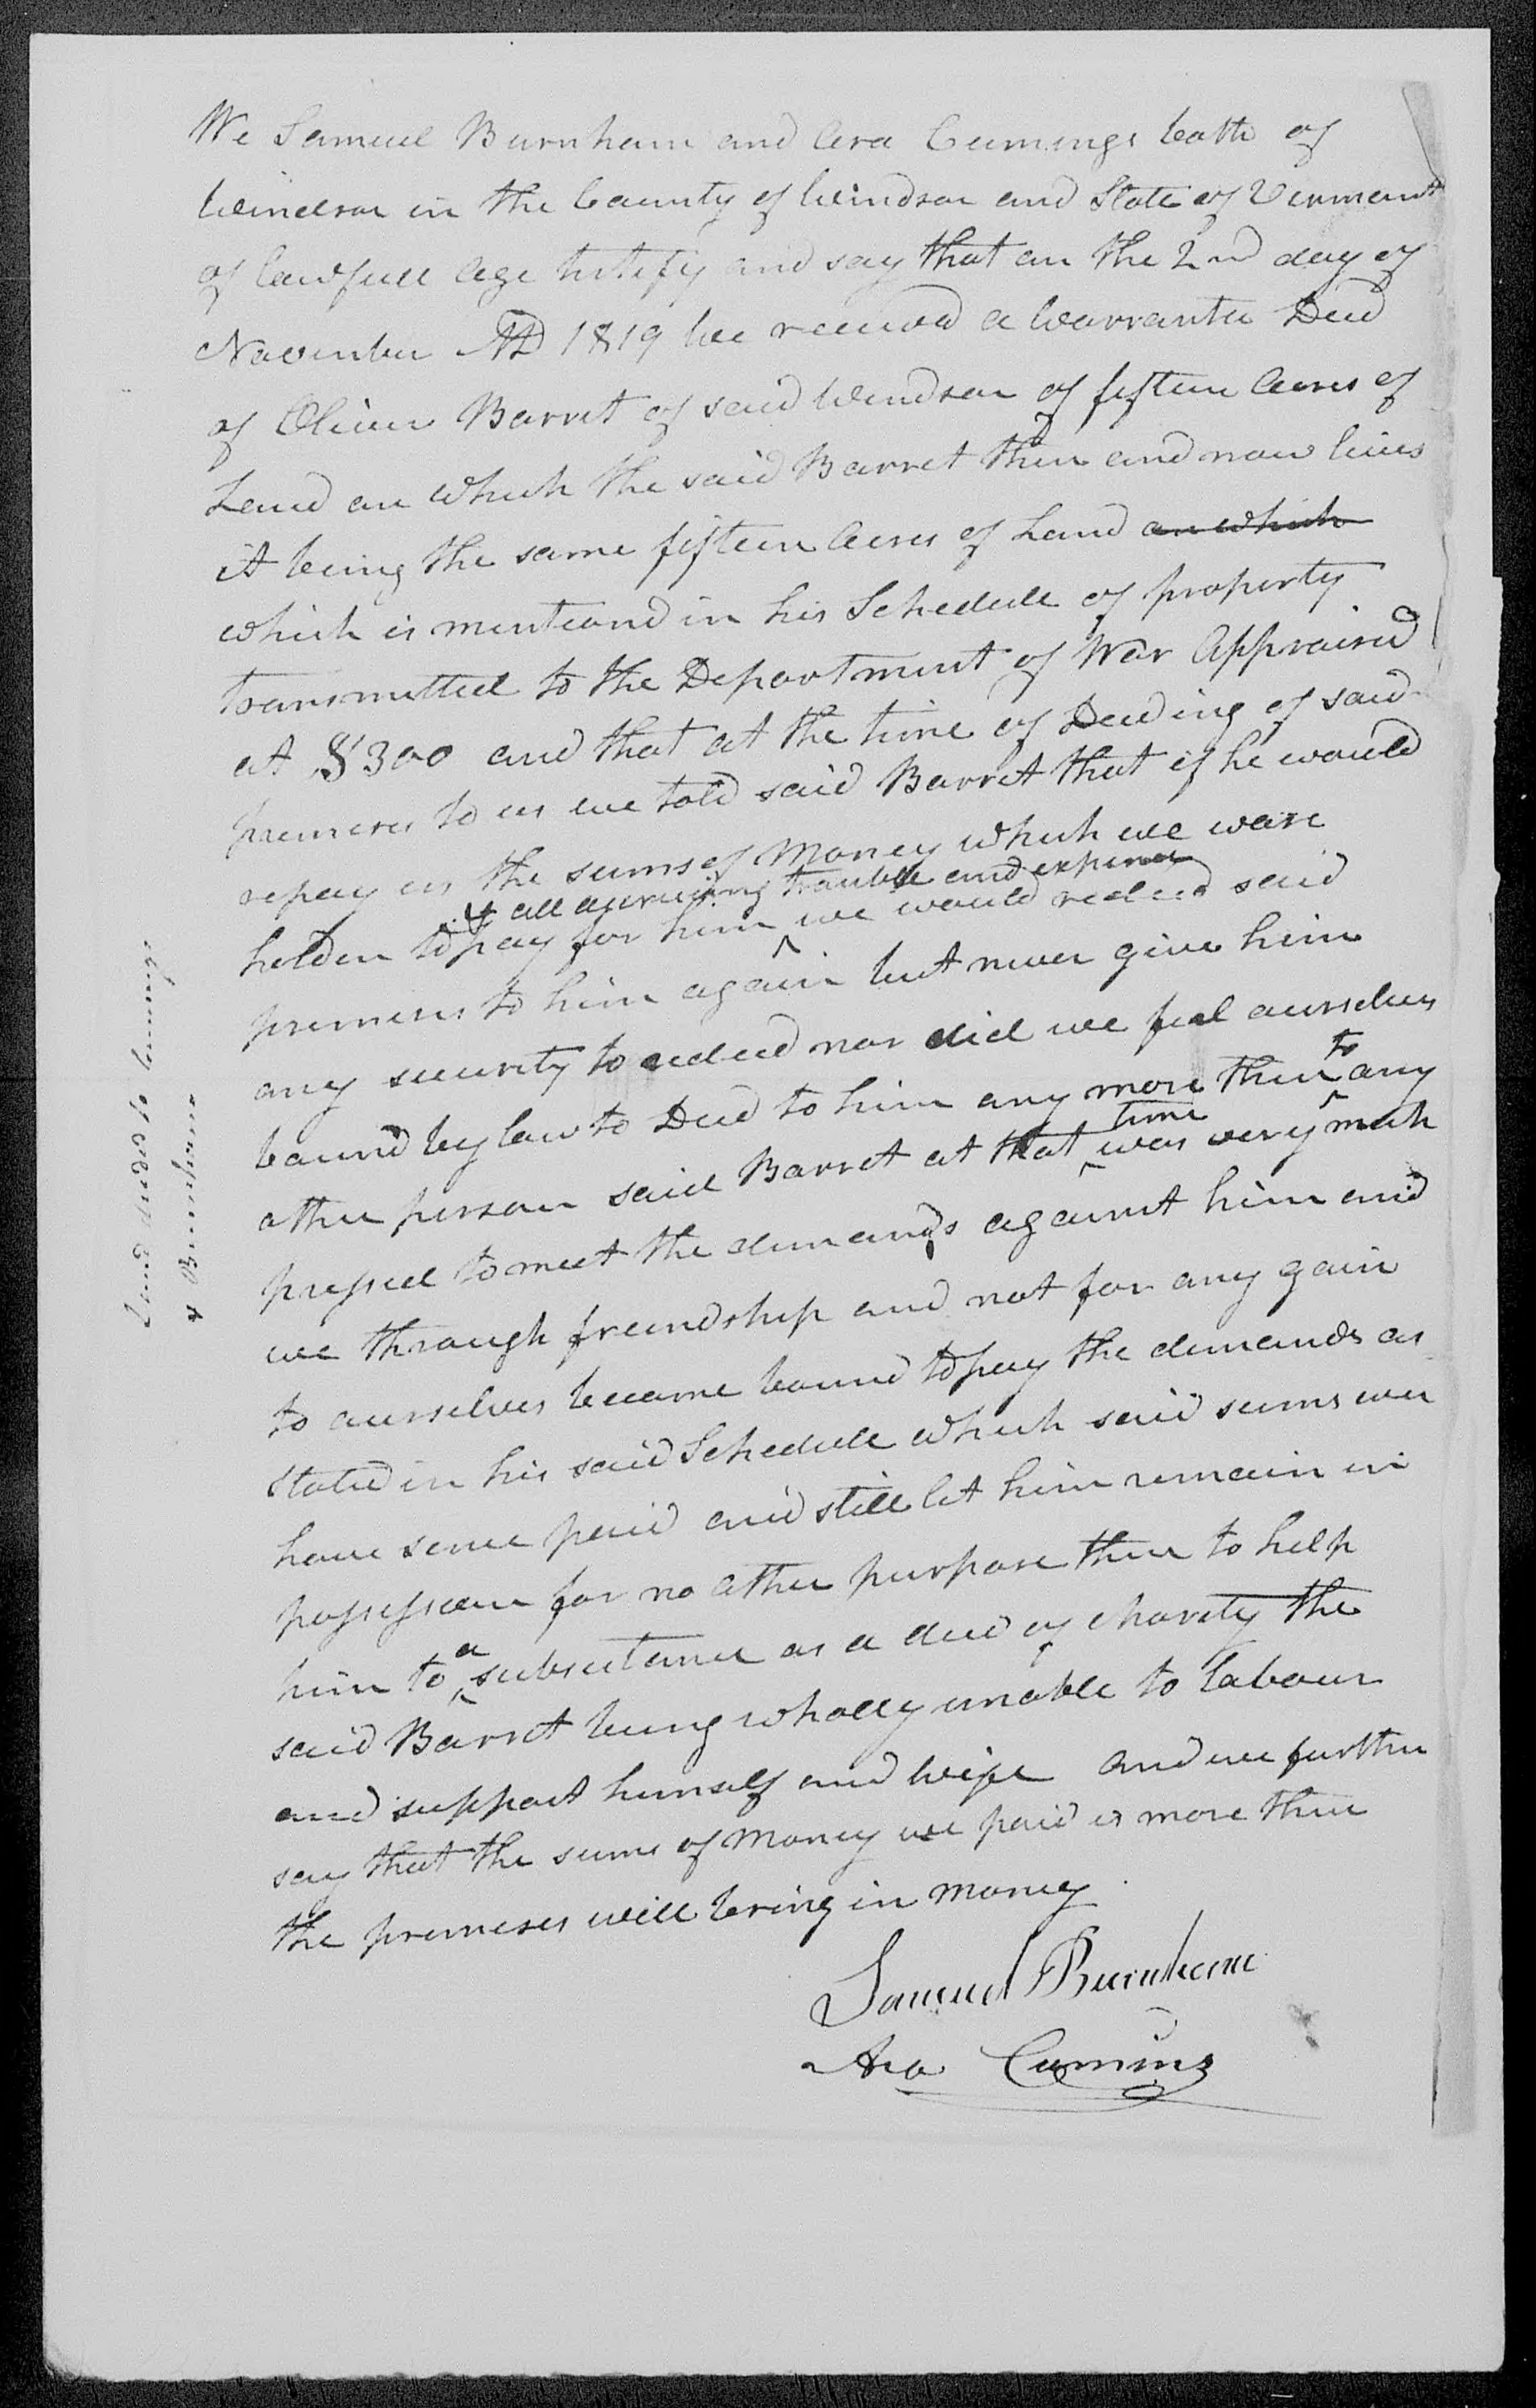We Samuel Burnham and Asa Cummings both of Windsor in the County of Windsor and State of Vermont of lawfull age testify and say that on the 2nd day of November AD 1819 we received a warrantee deed of Oliver Barret of said Windsor of fifteen acres of land on which the said Barret then and now lives it being the same fifteen acres of land which is mentioned in his schedule of property transmitted to the Department of War appraised at $300 and that at the time of Deeding of said premises to us we told said Barret that if he would pay us the sums of money which we were holden to pay for him and all accruing trouble and expense we would redeed said premises to him again but never give him any security to redeed nor did we feel ourselves bound by law to deed to him any more than to any other persons said Barret at that time was very much pressed to meet the demands against him and we through friendship and not for any gain to ourselves became bound to pay the demands as stated in his said Schedule which said sums were have since paid and still let him remain in possession for no other purpose than to help him to a subsistance as a deed of charity the said Barret being wholly unable to labour and support himself and wife. And we further say that the sum of money we paid is more than the premises will bring in money .
Samuel Burnham
Asa Cummings 


Land deeded to Cummings and Burnham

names: Barret, Oliver Barret, Barret, Burnham, Barret, Barret, Ara Cumins, Samuel Burnham, Samuel Burnham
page: 25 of 83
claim: widow's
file: W. 10,384, Oliver Barrett, Continental (Vt.) N.Y.